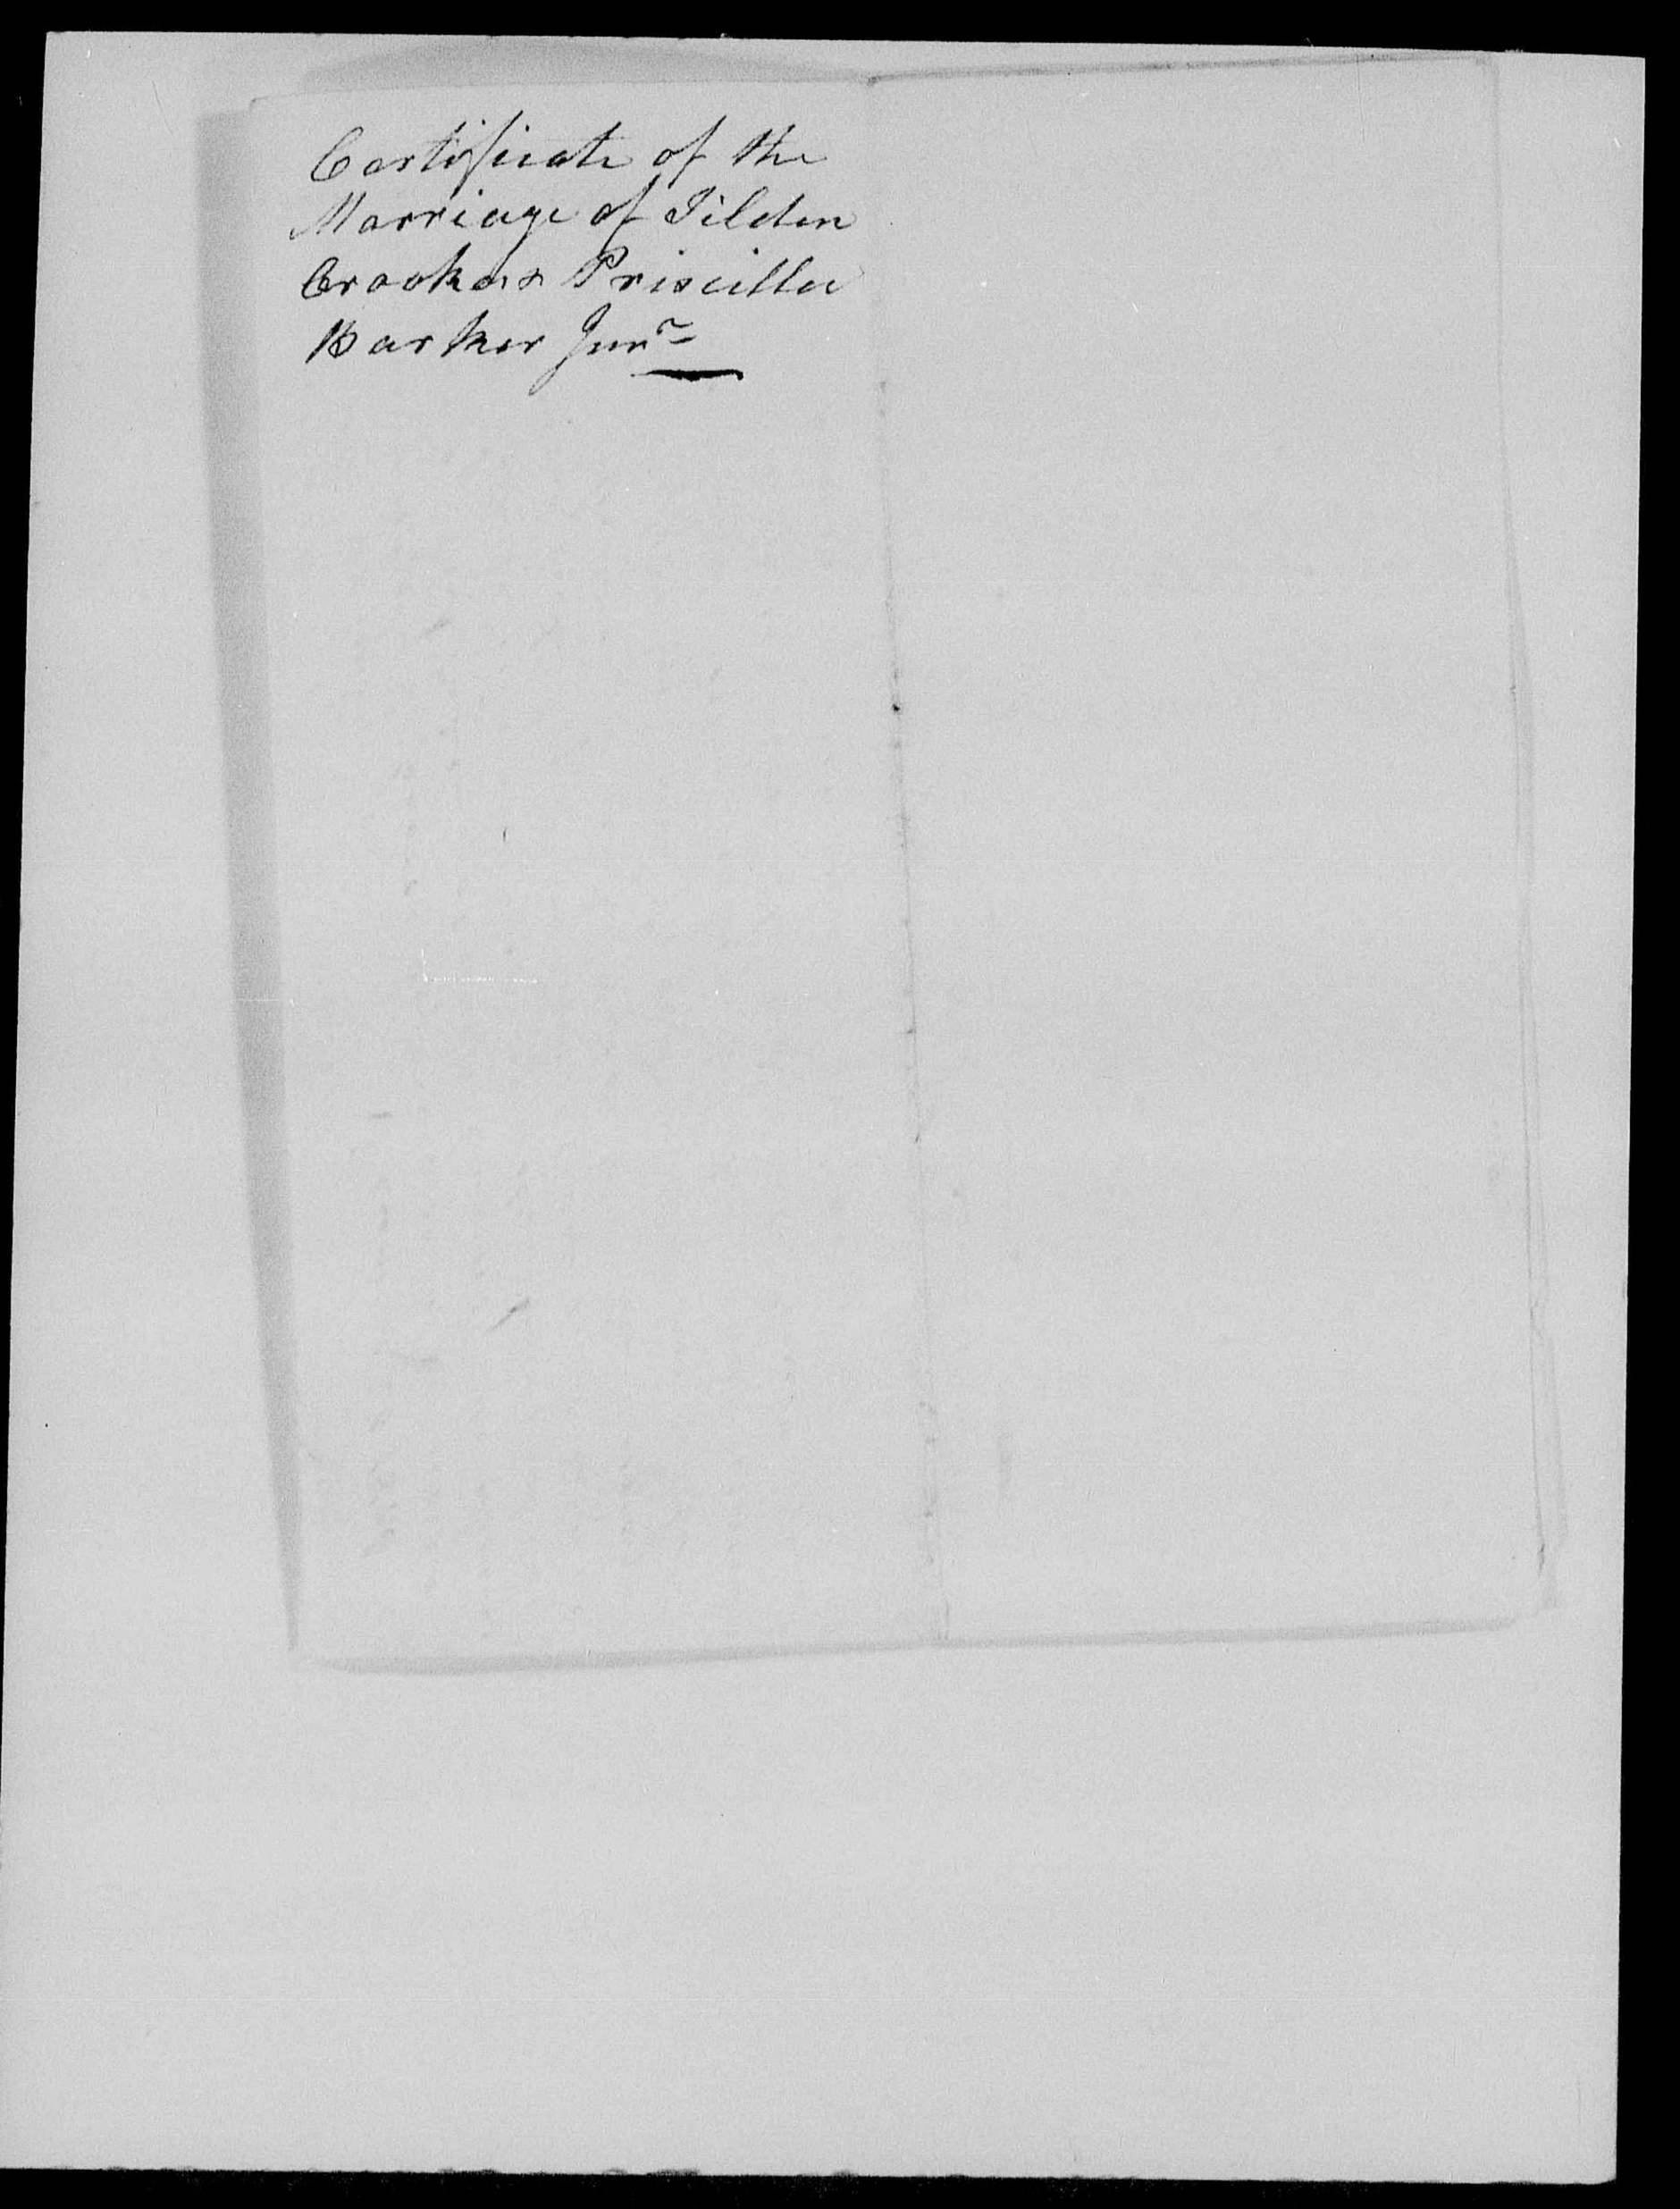Certificate of the Marriage of Tilden Crooker and Priscilla Barker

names: Tilden Crooker, Priscilla Barker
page: 10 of 33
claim: widow's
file: W. 22862, Tilden Crooker, Mass Navy